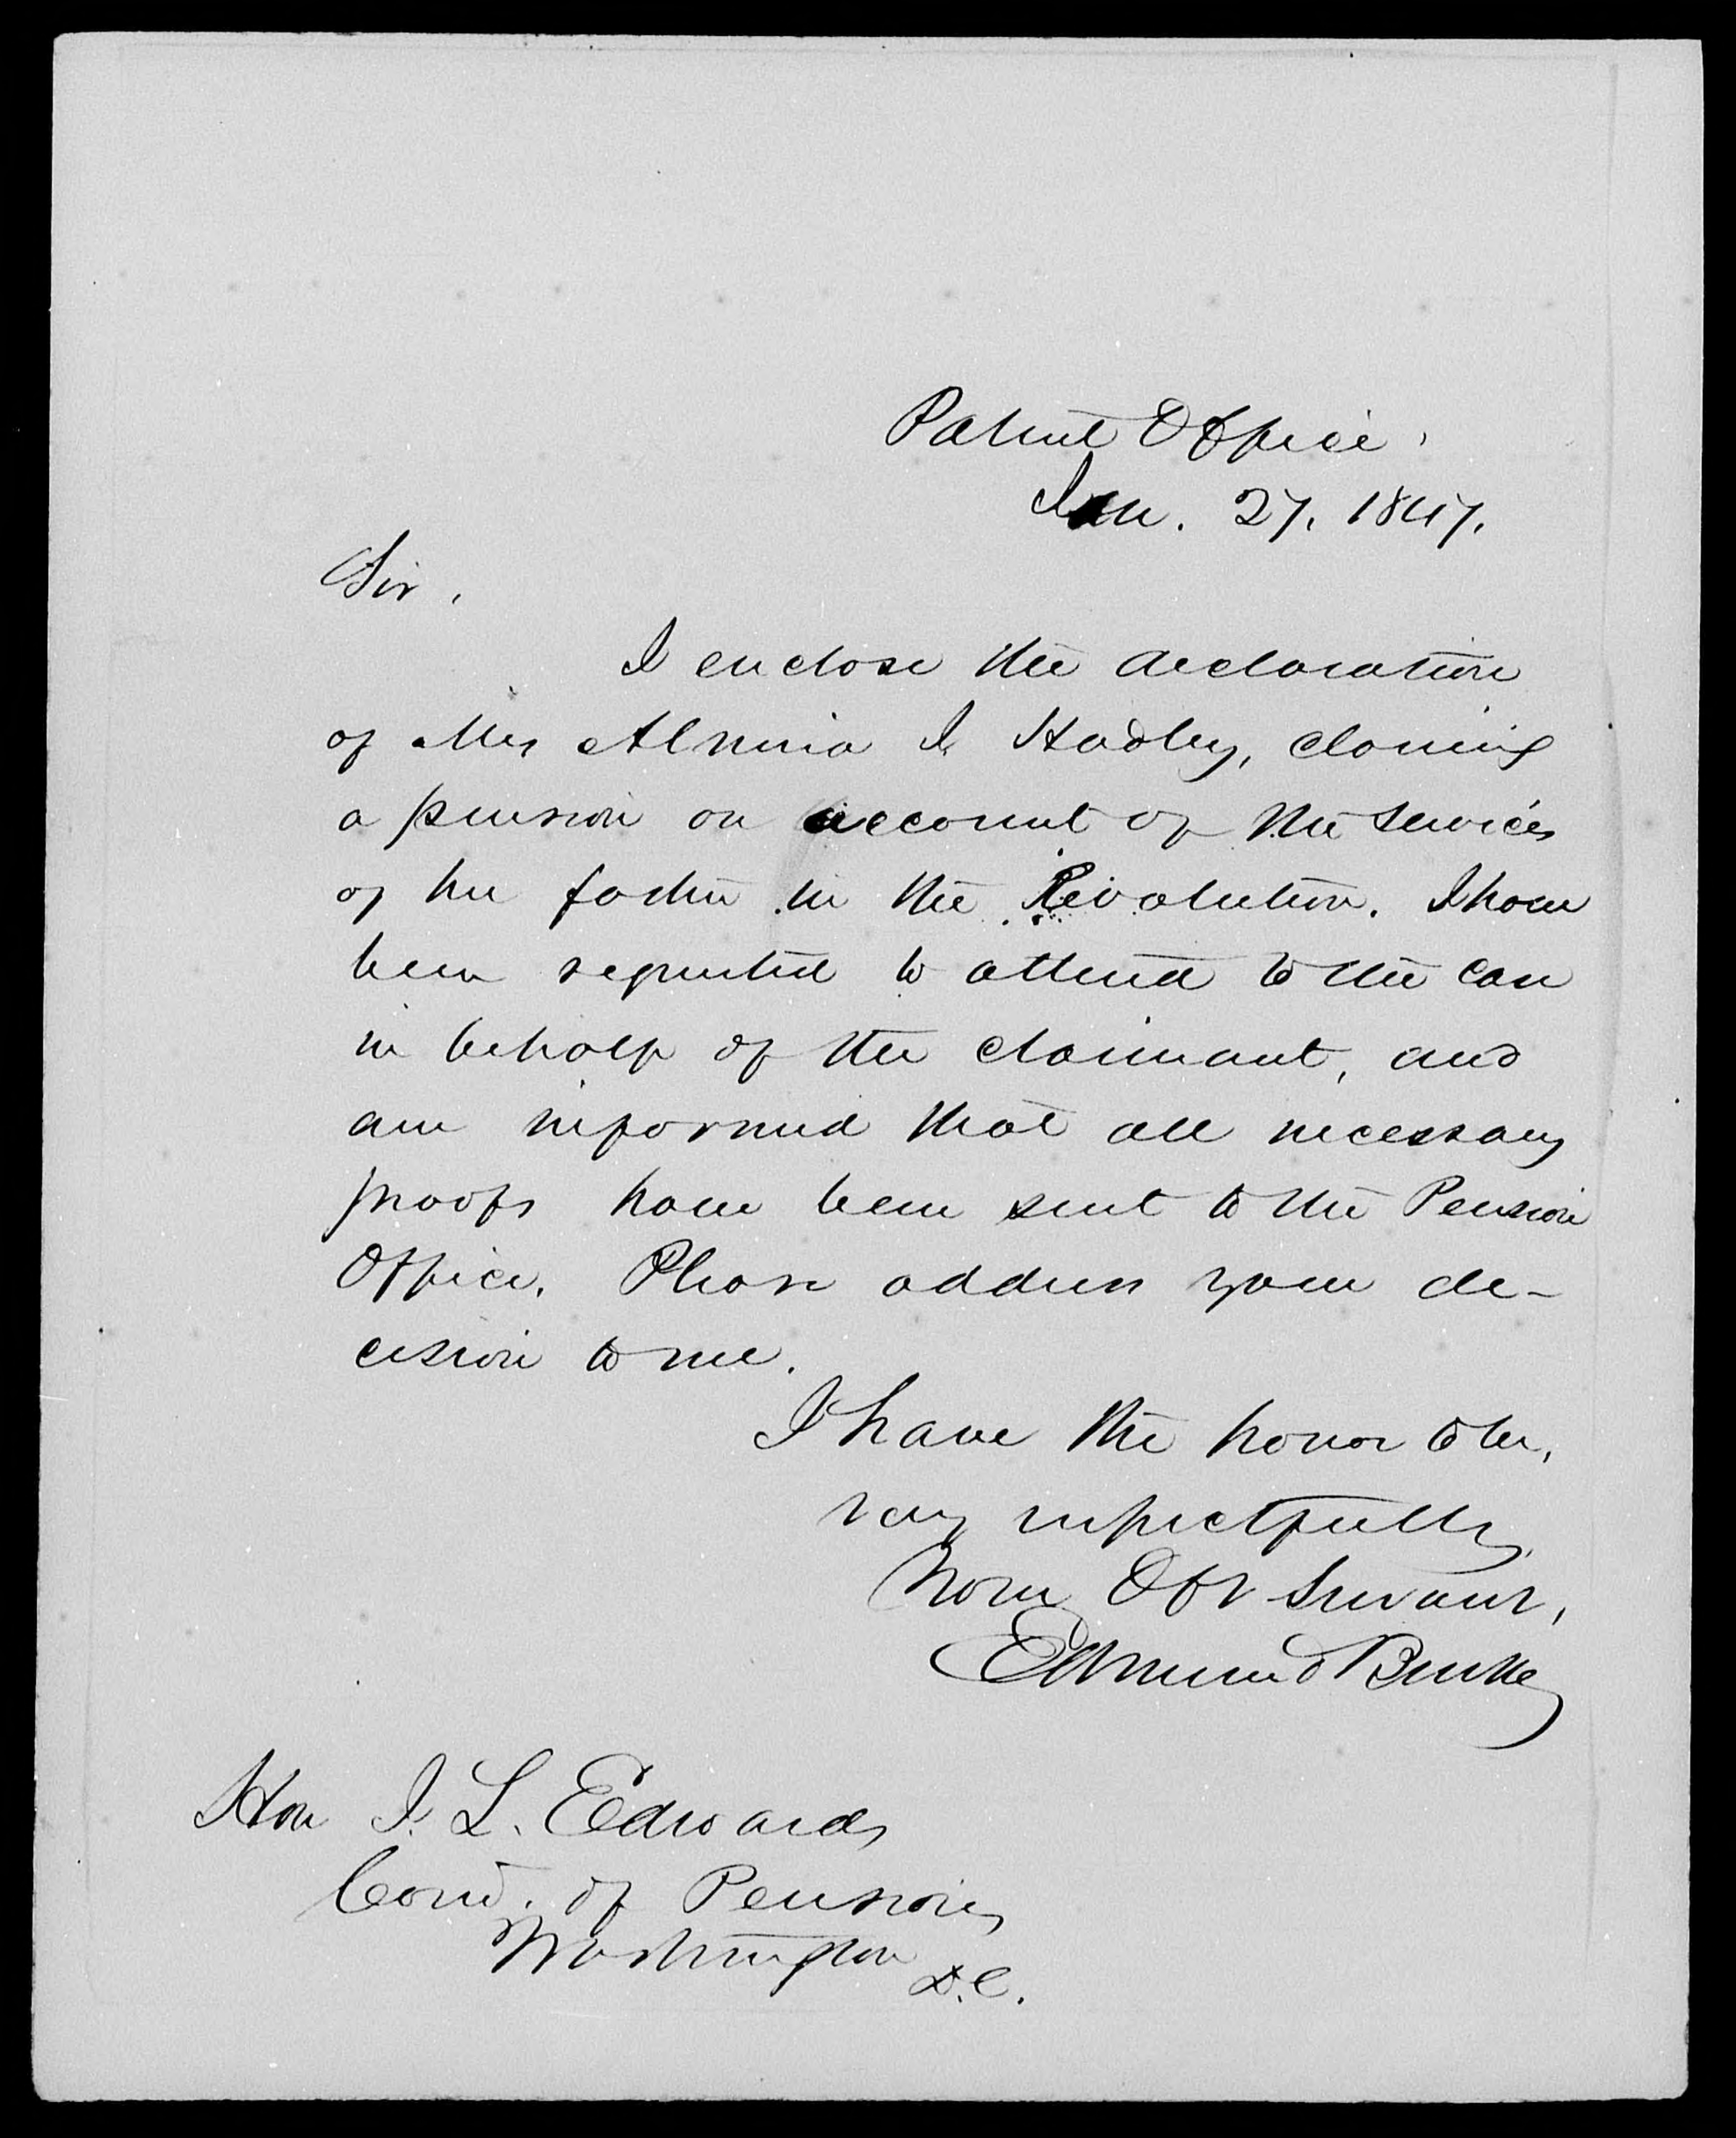Patent Office
Jan. 27, 1847

Sir, 
I enclose the declaration
of Mrs. Almira J Hadley, claiming
a pension on account of the services
of her father in the Revolution. I have
been requested to attend to the case
in behalf of the claimant, and
am informed that all necessary
proofs have been sent to the Pension
Office.
Please address your decision
to me. 
I have the honor [illegible],
very respectfully 
Your [illegible]
Edmund Burke

Adam J. L. Edwards
Govt.  of Pensions
Washington D.C.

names: Almira J Hadley, Edmund Burke, J L Edwards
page: 38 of 59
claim: widow's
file: W. 23017, Richard Clair Everett, Mass.